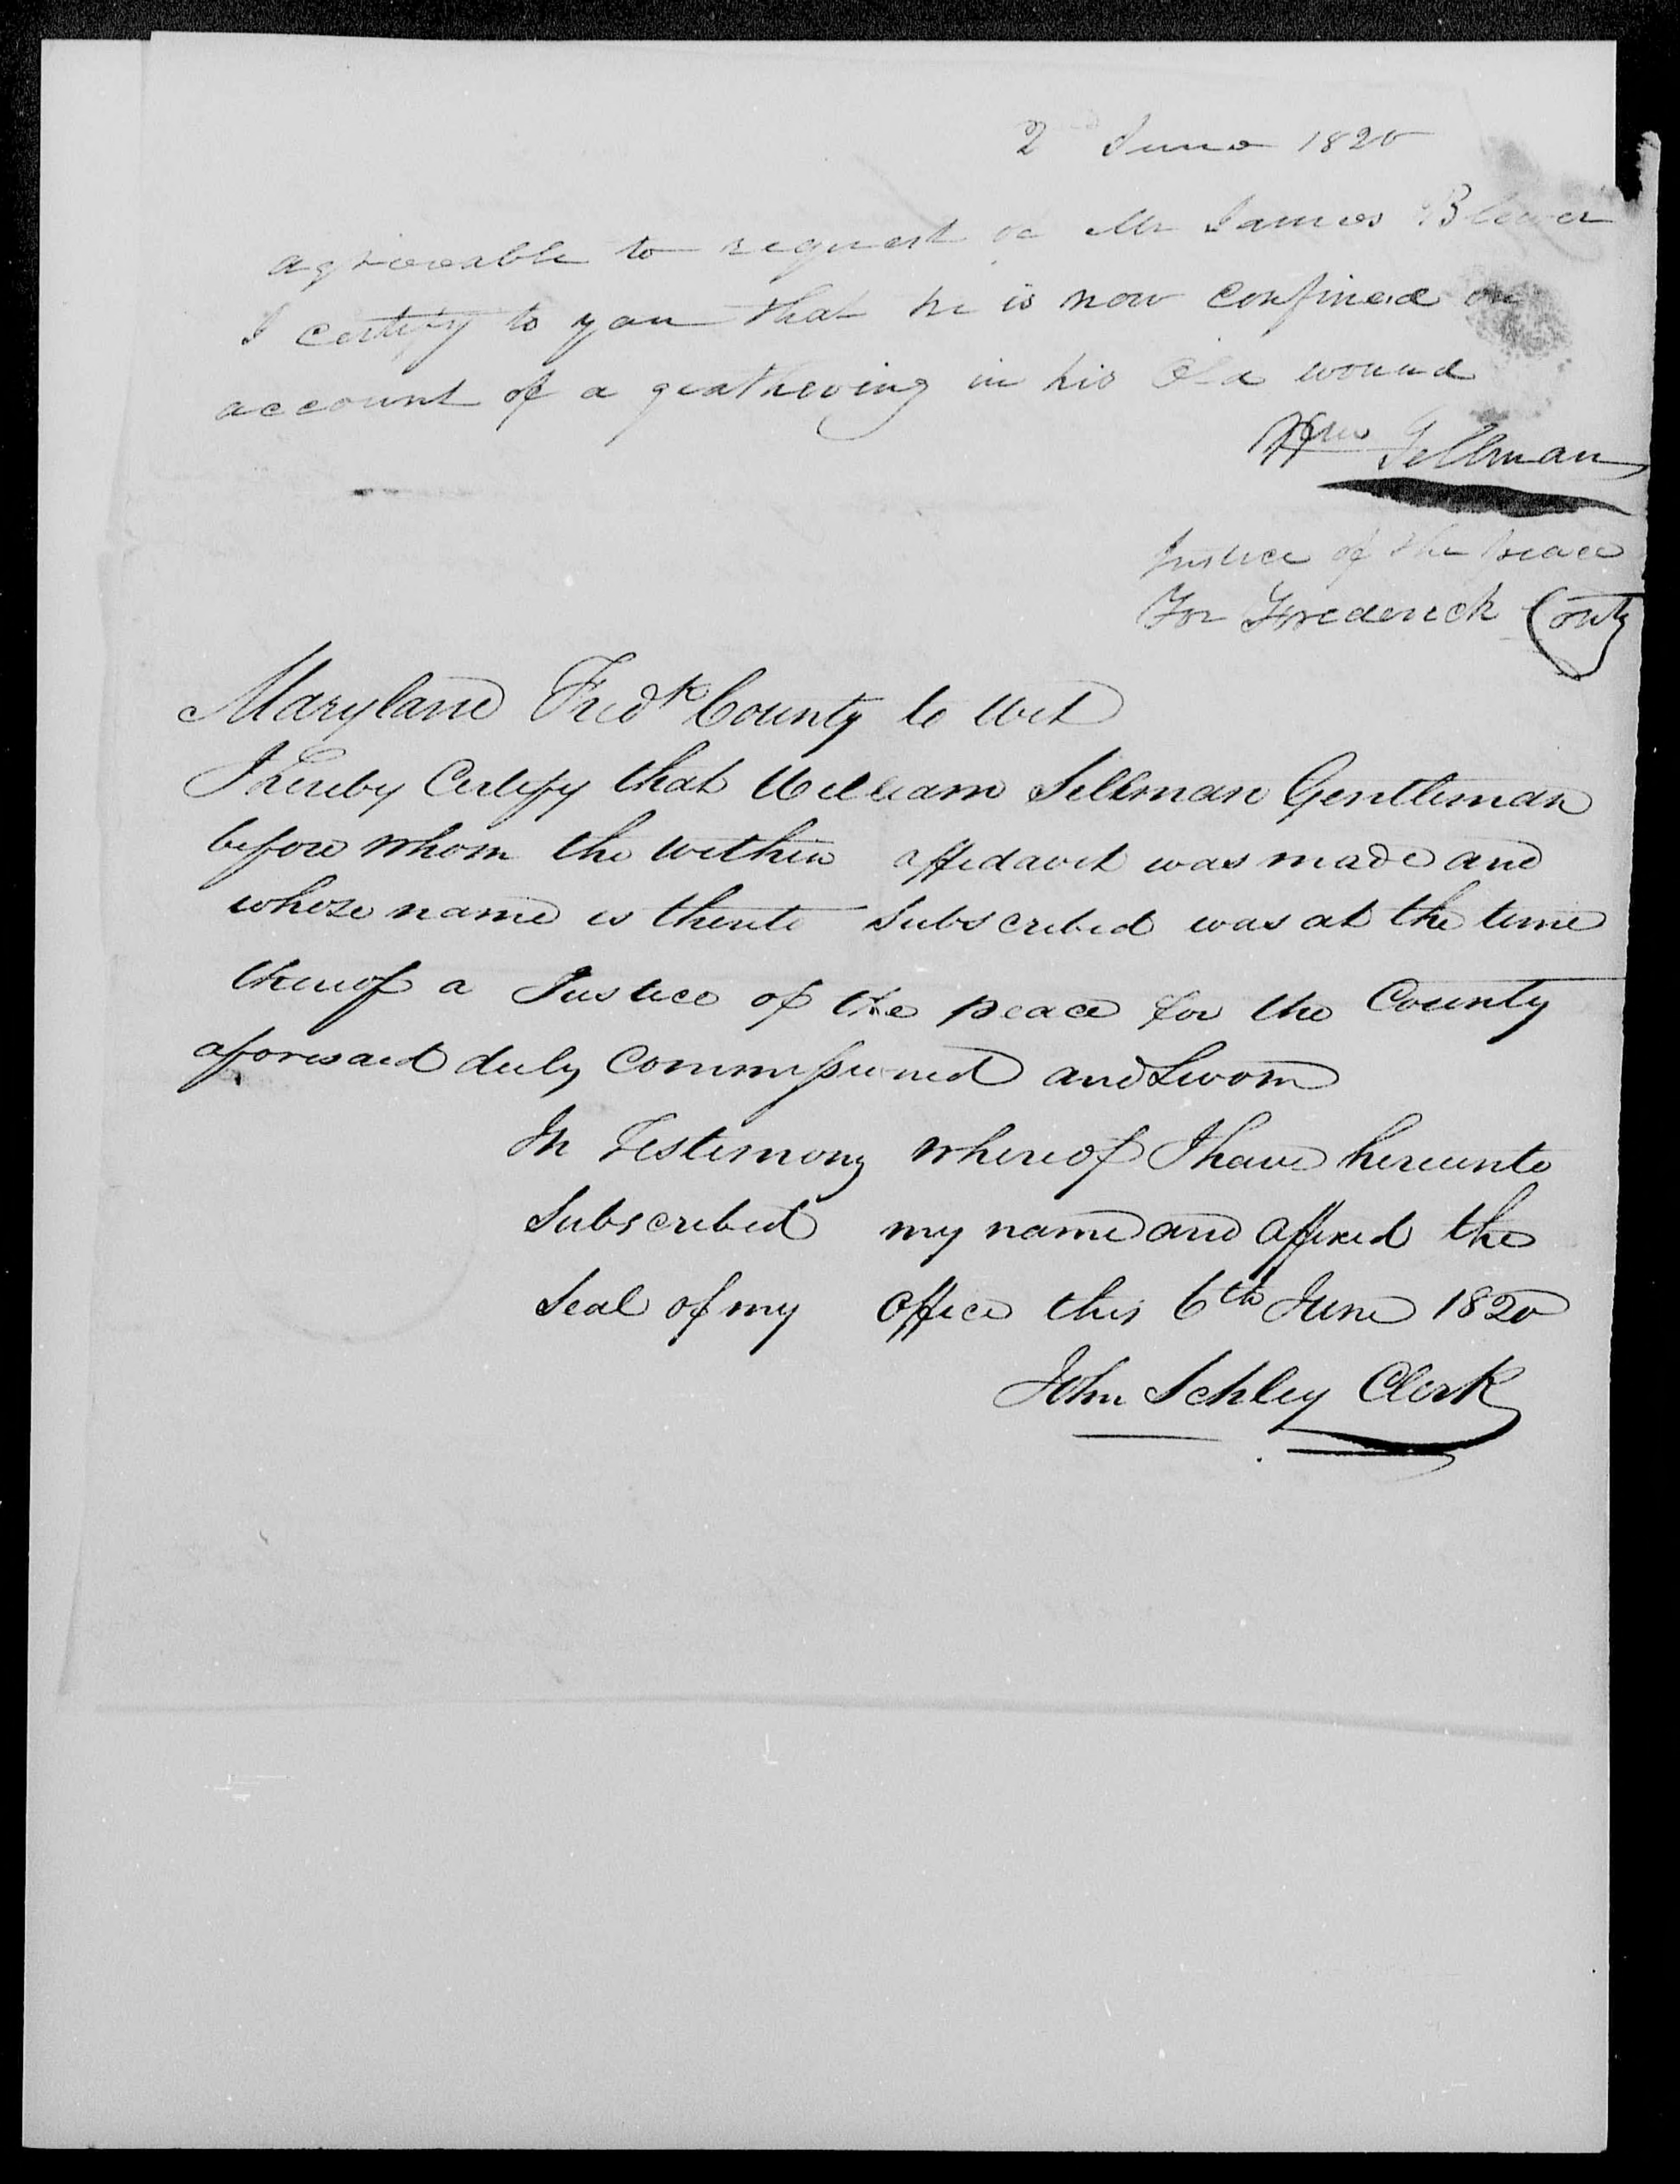2 June, 1820
agreeable to request of Mr James Blewer. I certify to you that he is now confined on account of a [?] in his old wound.
Wm [William] Sellman [maybe Tellman, see affadavit] 
Justice of the Peace
For Frederick County

Maryland Fred'k County to [?]
Hereby certify that William Sellman Gentleman before whom the within affidavit was made and whose name is thereto subscribed was at the time thereof a Justice of the peace for the County aforesaid duly commissioned and sworn
In testimony whereof I have herunto subscribed my name and affixed the seal of my office this 6th June 1820
John Schley Clerk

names: Wm Tellman, James Blewer, William Tellman, John Schley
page: 4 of 30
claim: survivor's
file: S. 10093, James Blewer, Md.